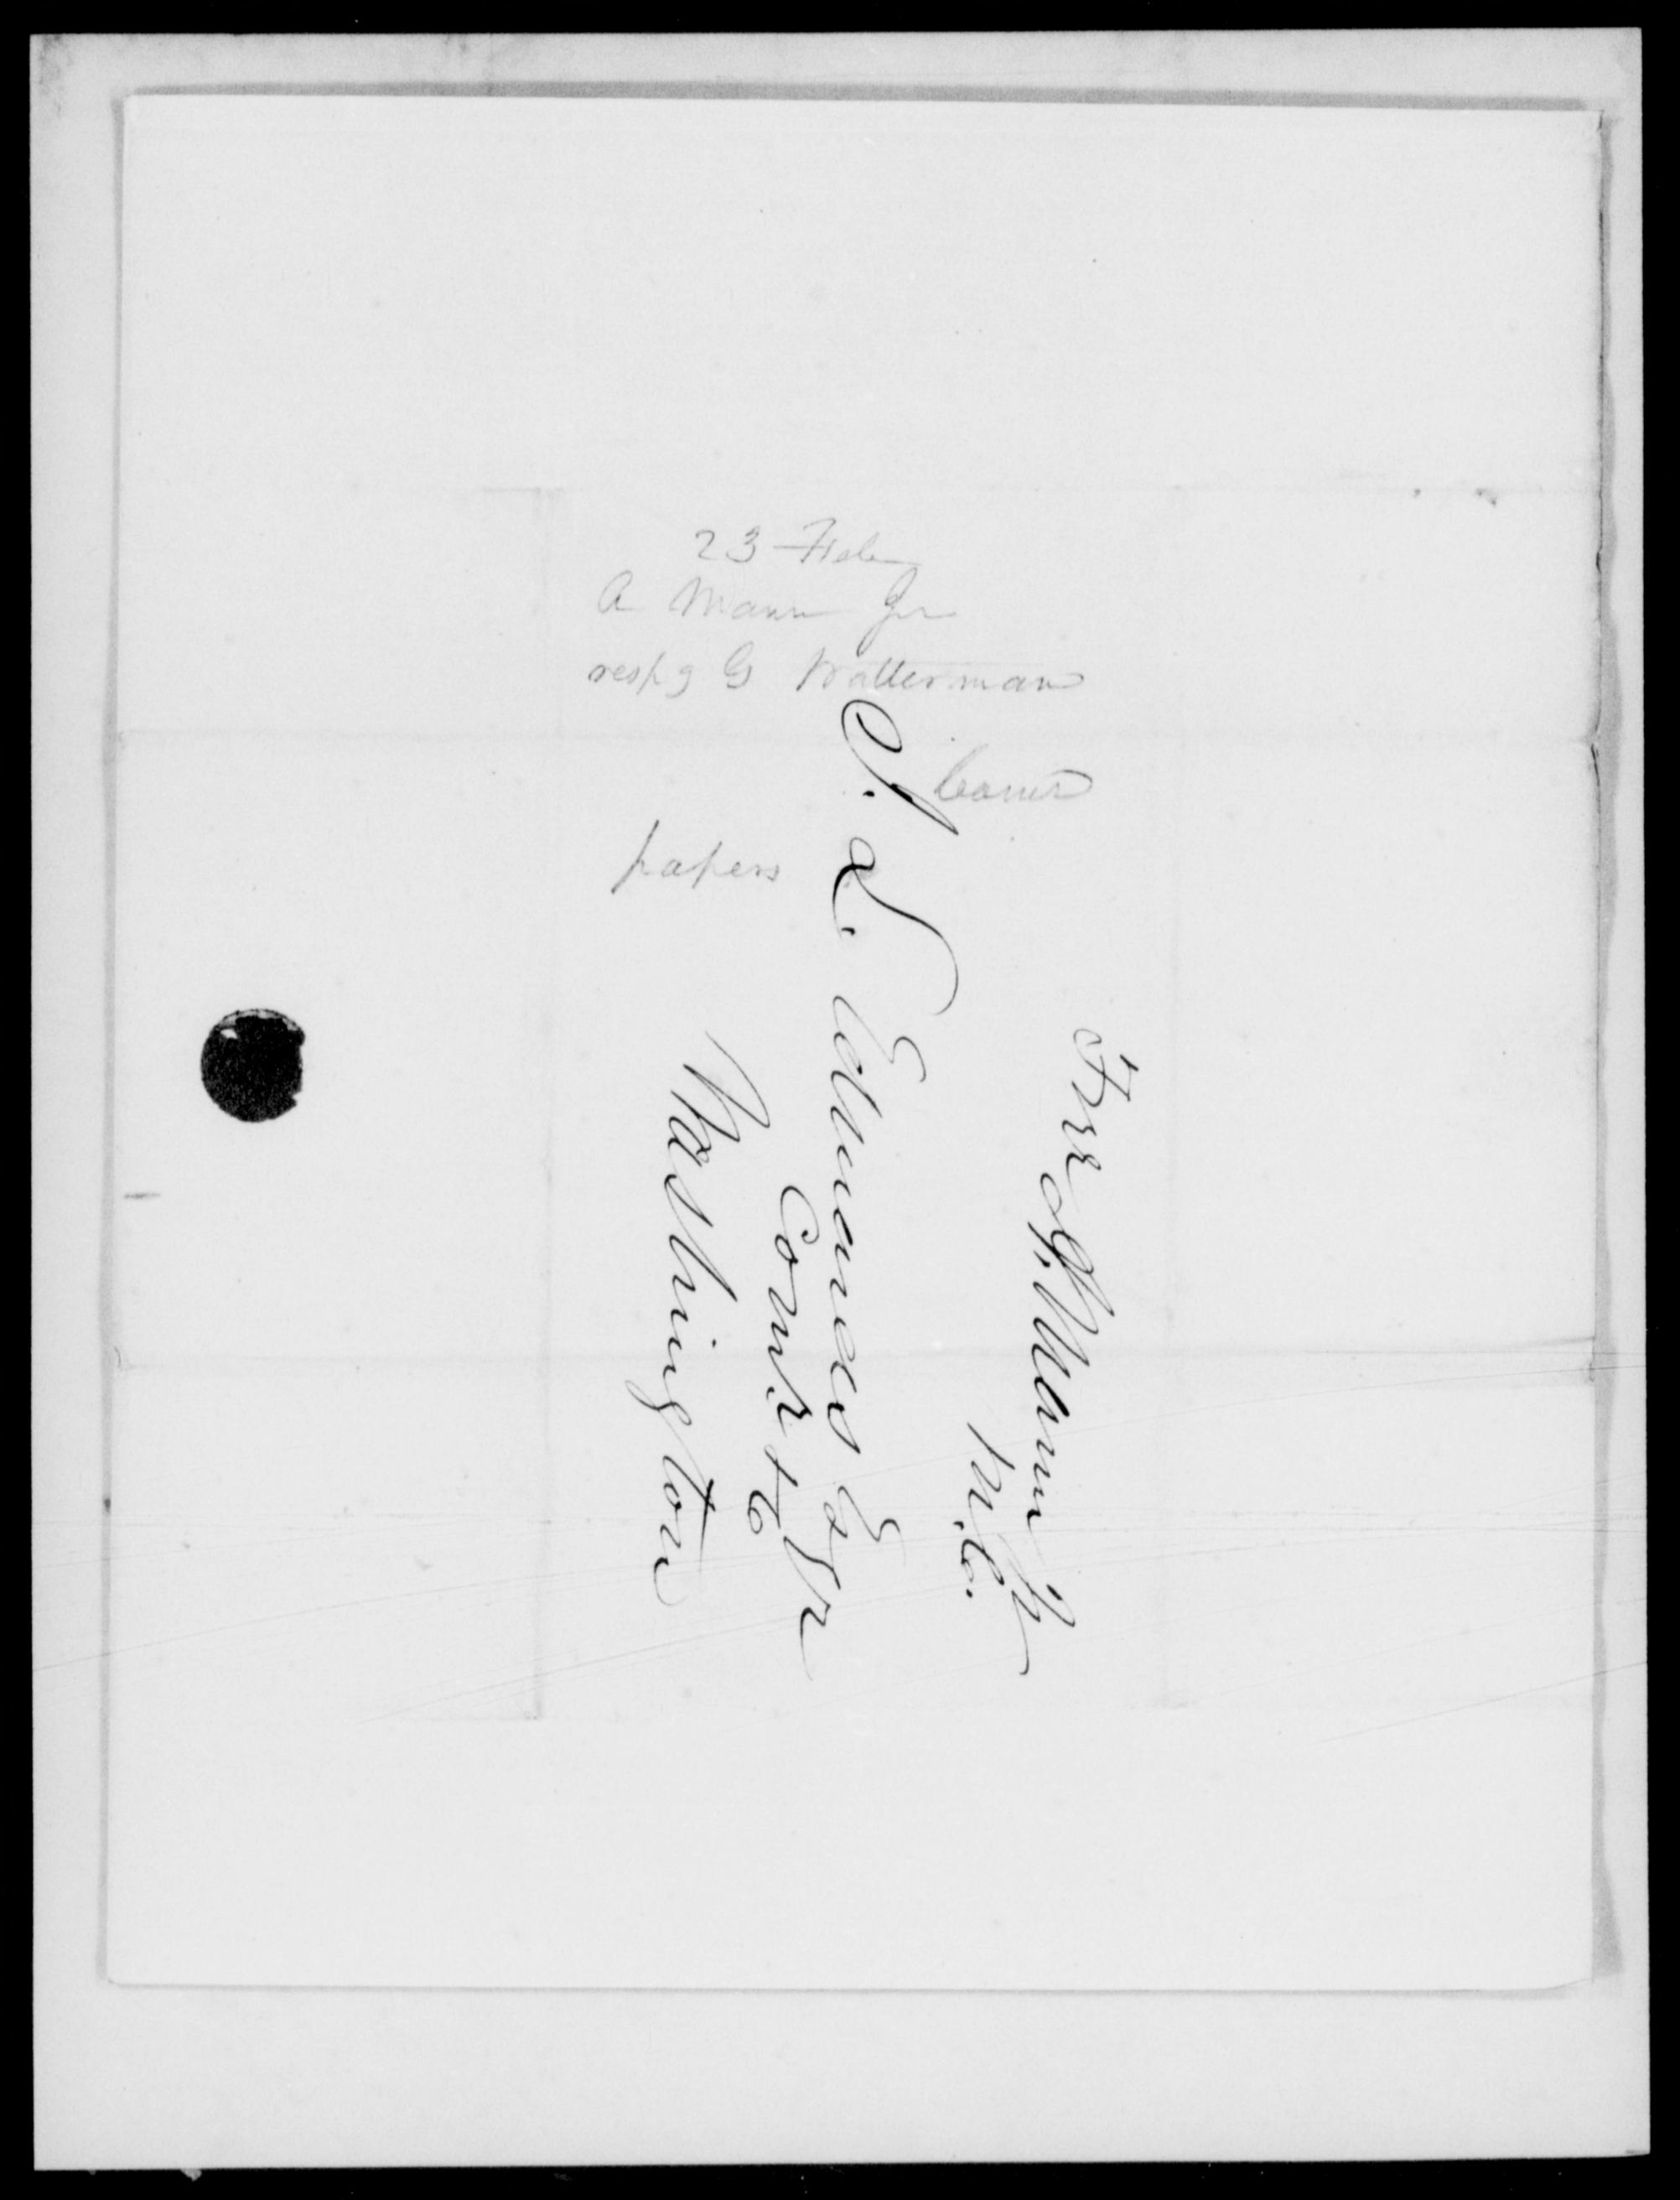23 Feb
A Mann Jr.
respg G Watterman

[       ]
papers
[ not readable]
M.C.
J. L. Edwards Esq
Comr  [   ]
Washington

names: G Watterman, J L Edwards, A Mann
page: 36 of 50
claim: widow's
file: W. 15814, Glading Waterman, Conn. Conn. Sea Service Continental